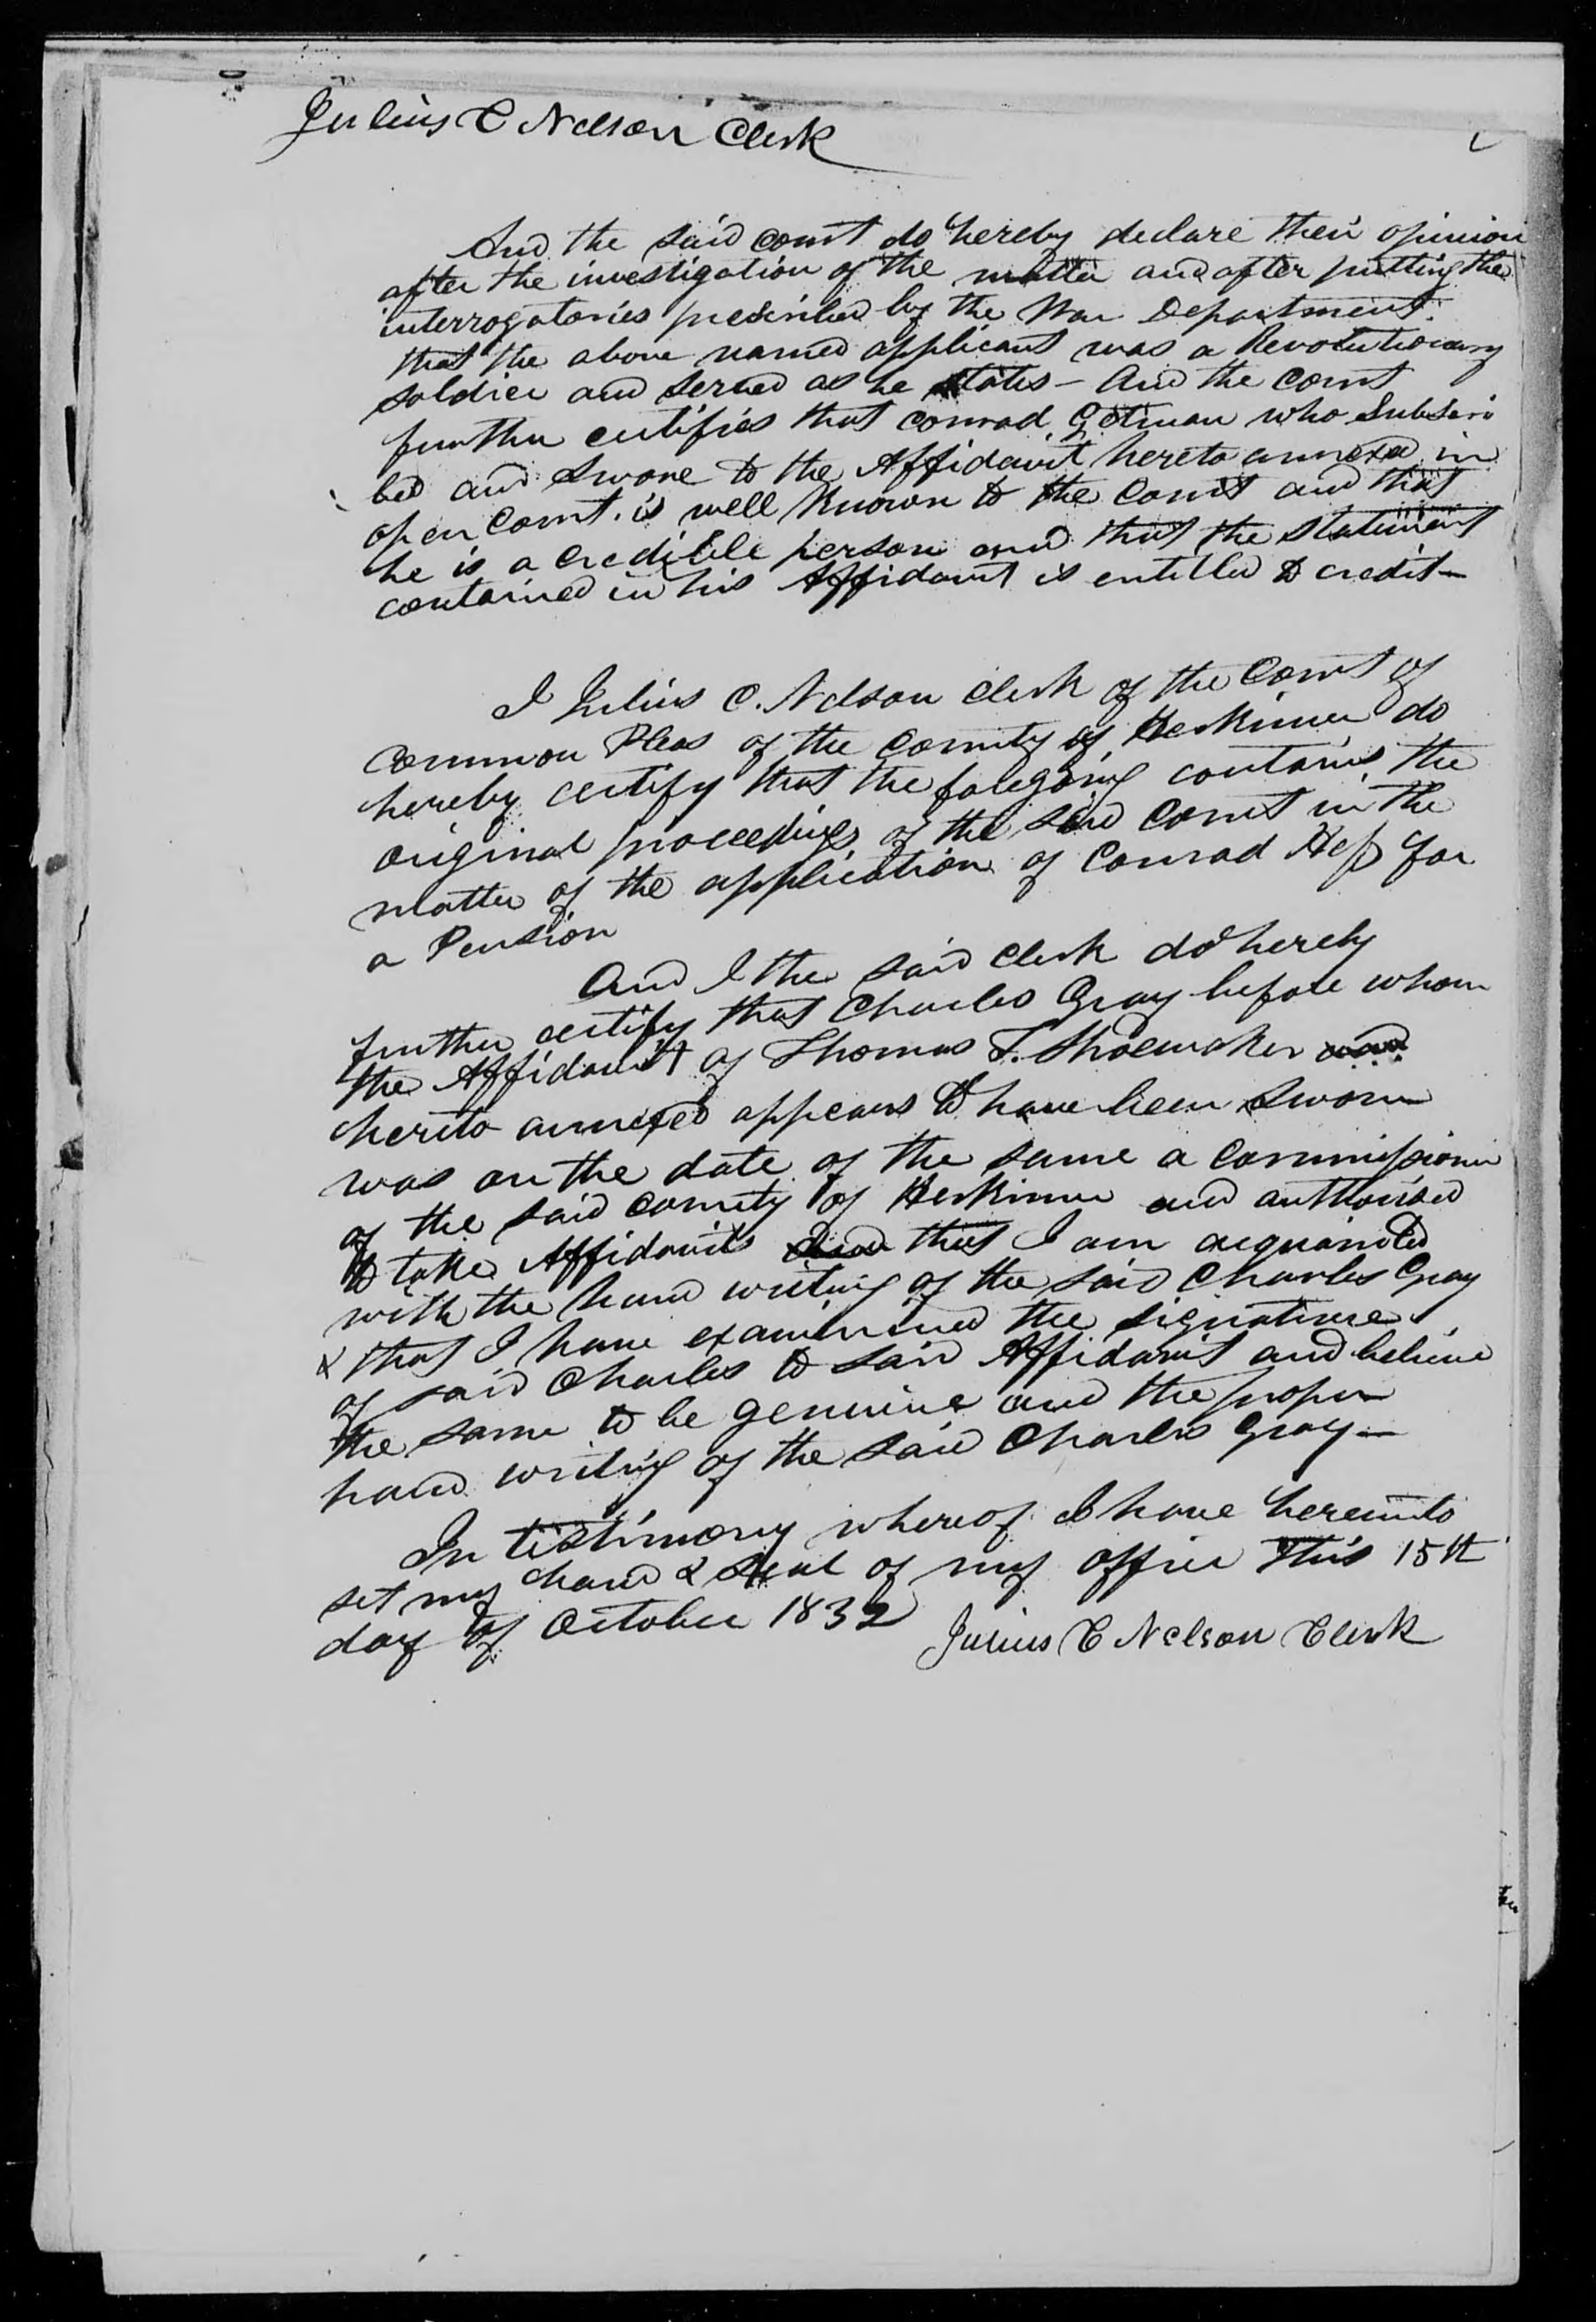[handwritten]

Julius C Nelson Clerk
And the said court do herby declare their opinion after the investigation of the matter and after putting the interrogatories prescribed by the War Department that the above named applicant was a Revolutionary Soldier and served as he states - And the court further certifies that Conrad Gotman who subscribed and sworn to the affidavit hereto annexed in open court is well known to the court and that he is a credible person and that the statement contained in his affidavit is entitled to credit-
I Julius C. Nelson clerk of the Court of common pleas of the county of Herkimer do hereby certify that the foregoing contains the original proceedings of the said court in the matter of the application of Conrad Hess for a Pension
And I the said clerk do hereby further certify that Charles Gray before whom the Affidavit of Thomas T, Shoemaker [illegible] hereto annexed appears to have been sworn was on the date of the same commission of the said county of Herkimer and authorized to take Affidavits [illegible] that I am acquainted with the said writing of the said Charles Gray & that I have examined the signature of said Charles to said Affidavit and believe the same to be genuine and the proper hand writing of the said Charles Gray -
In testimony whereof I have hereunto set my hand & seal of my office this 15th day of October 1832
Julius C Nelson Clerk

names: Julius C Nelson, Charles Gray, Julius C Nelson, Charles, Thomas T Shoemaker, Conrad Gotman, Charles Gray, Julius C Nelson, Conrad Hess, Charles Gray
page: 9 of 30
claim: rejected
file: R. 4927, Conrad Hess, New York